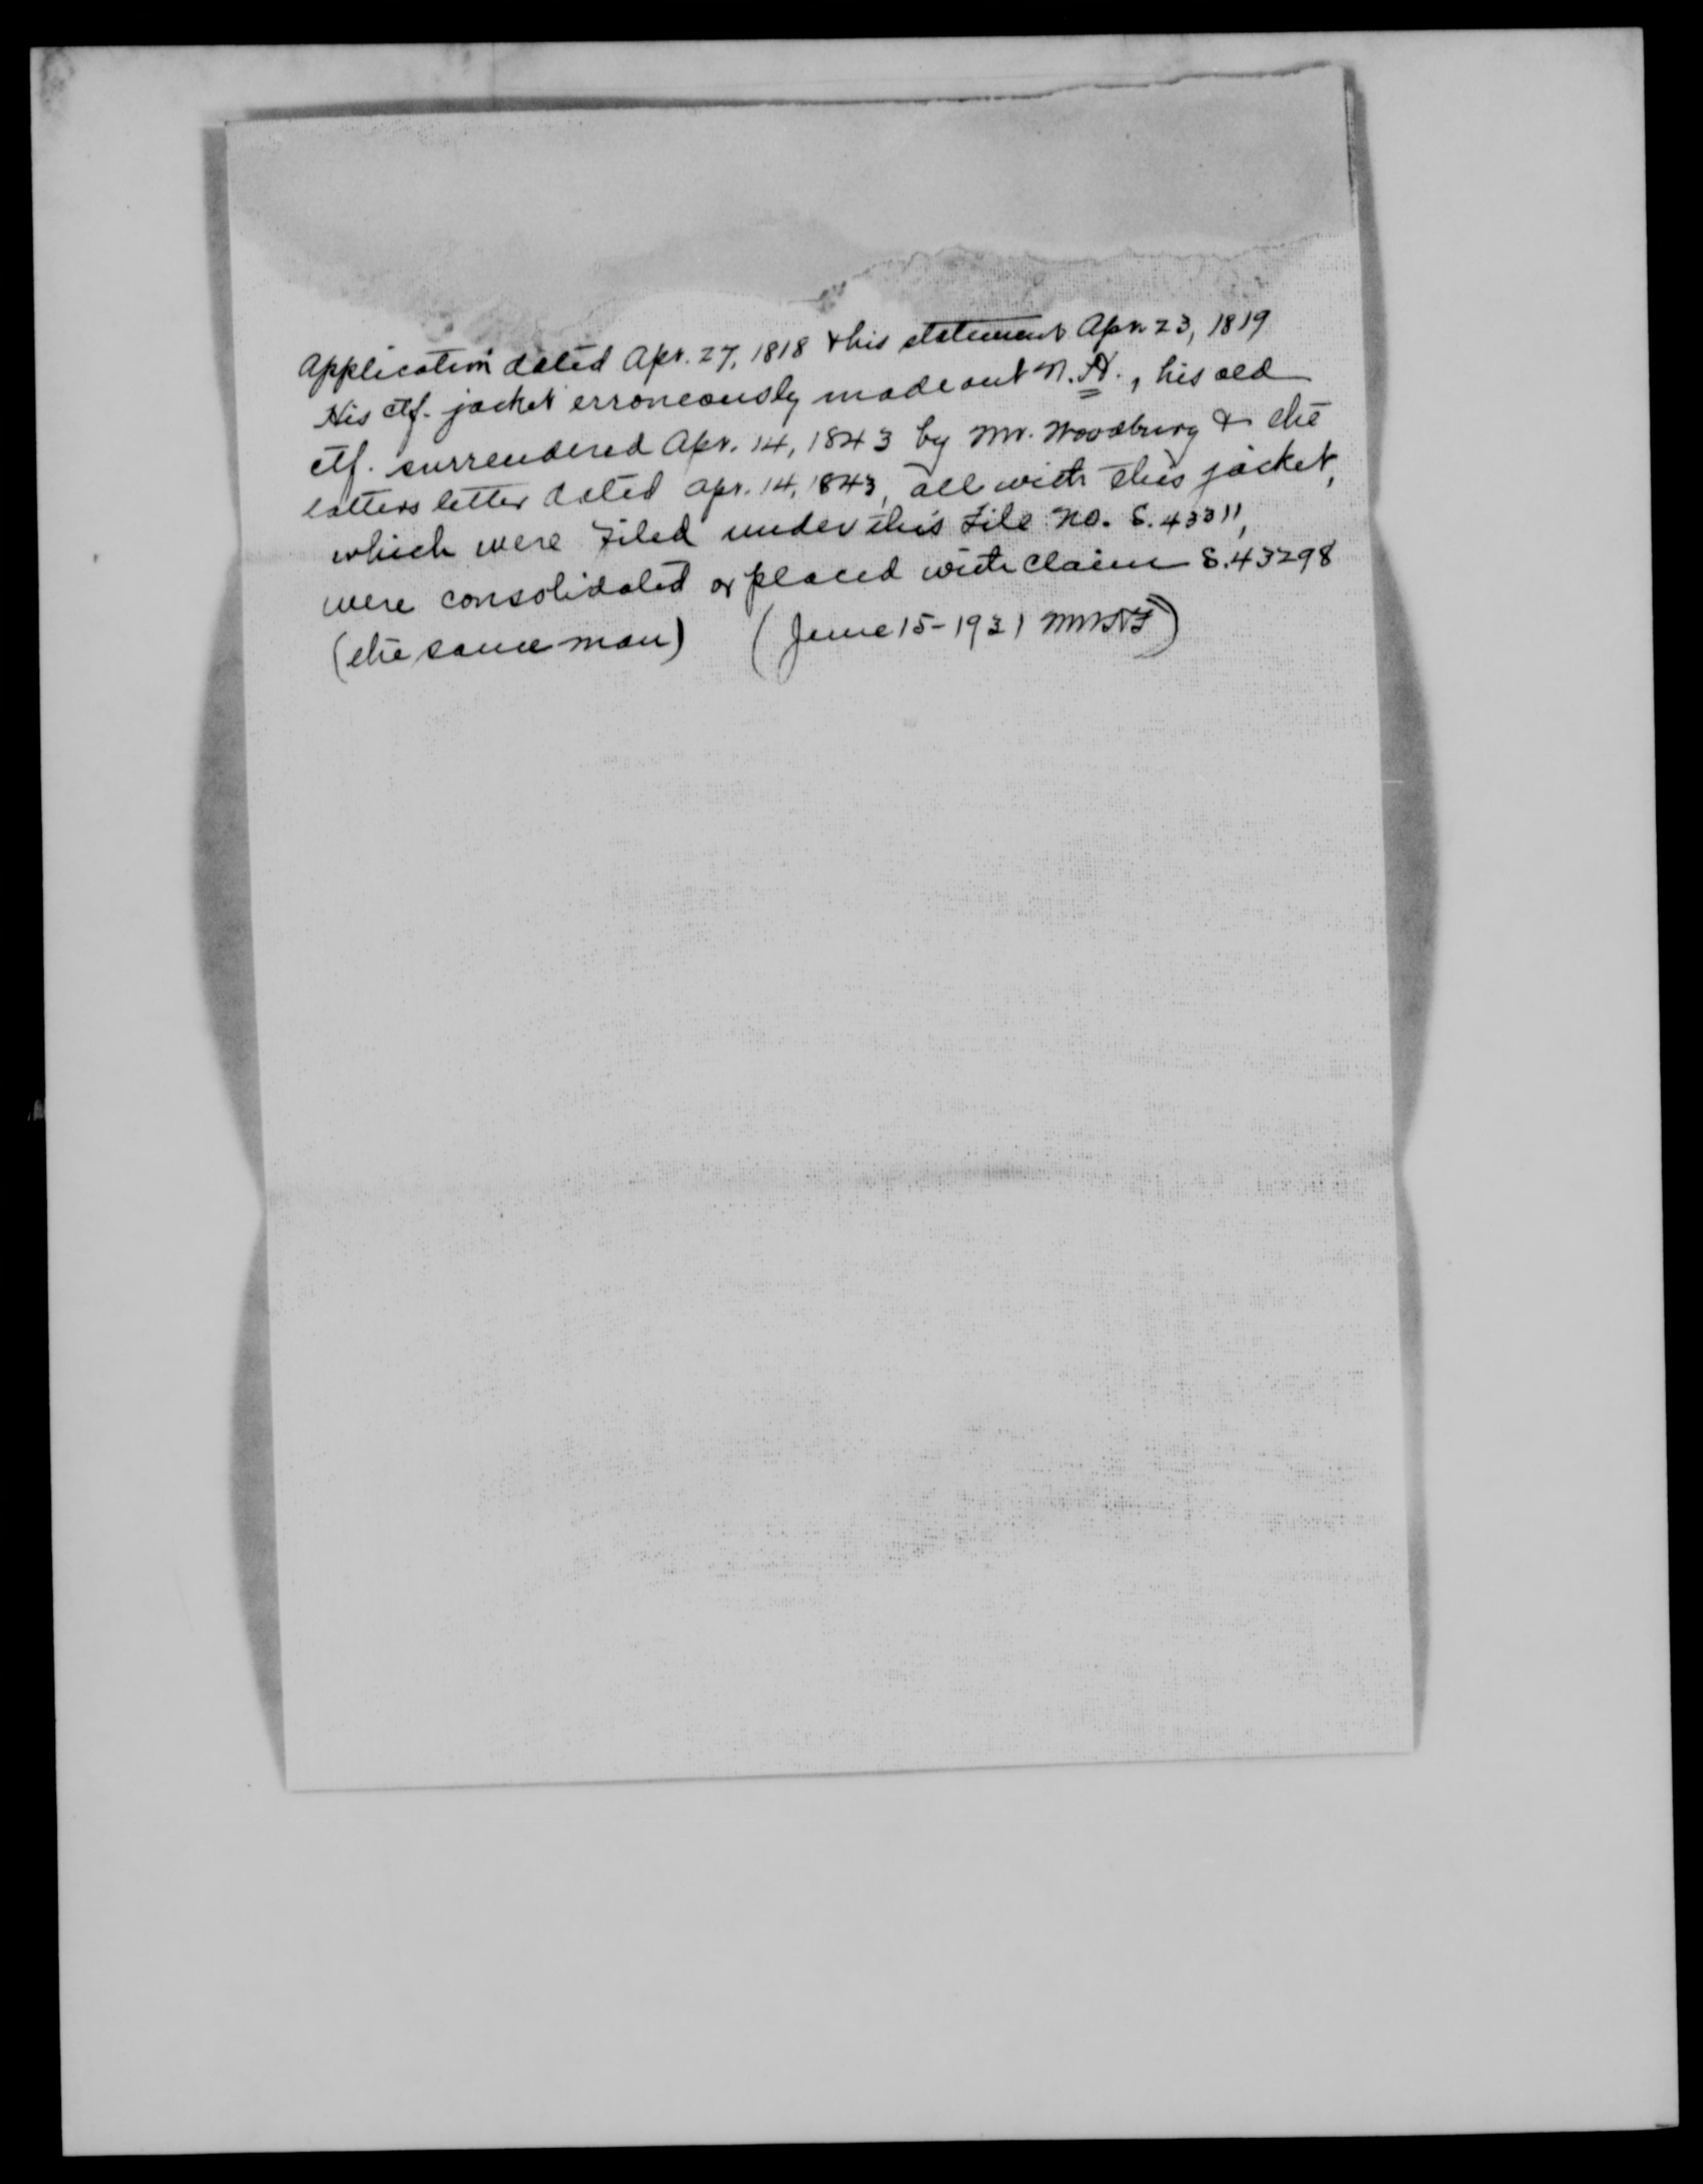application dated Apr. 27, 1818 this statement Apr 23, 1819
His ctf. jacket erroneously made out N.H., his old
ctf. surrendered Apr. 14, 1843 by Mr. Woodbury & the latters letter dated Apr. 14, 1843, all with this jacket,
which were filed under this File  no. S.43311
were consolidated or placed with claim S.43298
(the same man)
(June 15-1931) MNSF)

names: Woodbury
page: 13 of 22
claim: survivor's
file: S. 43298, Jonas Whiting, Mass.